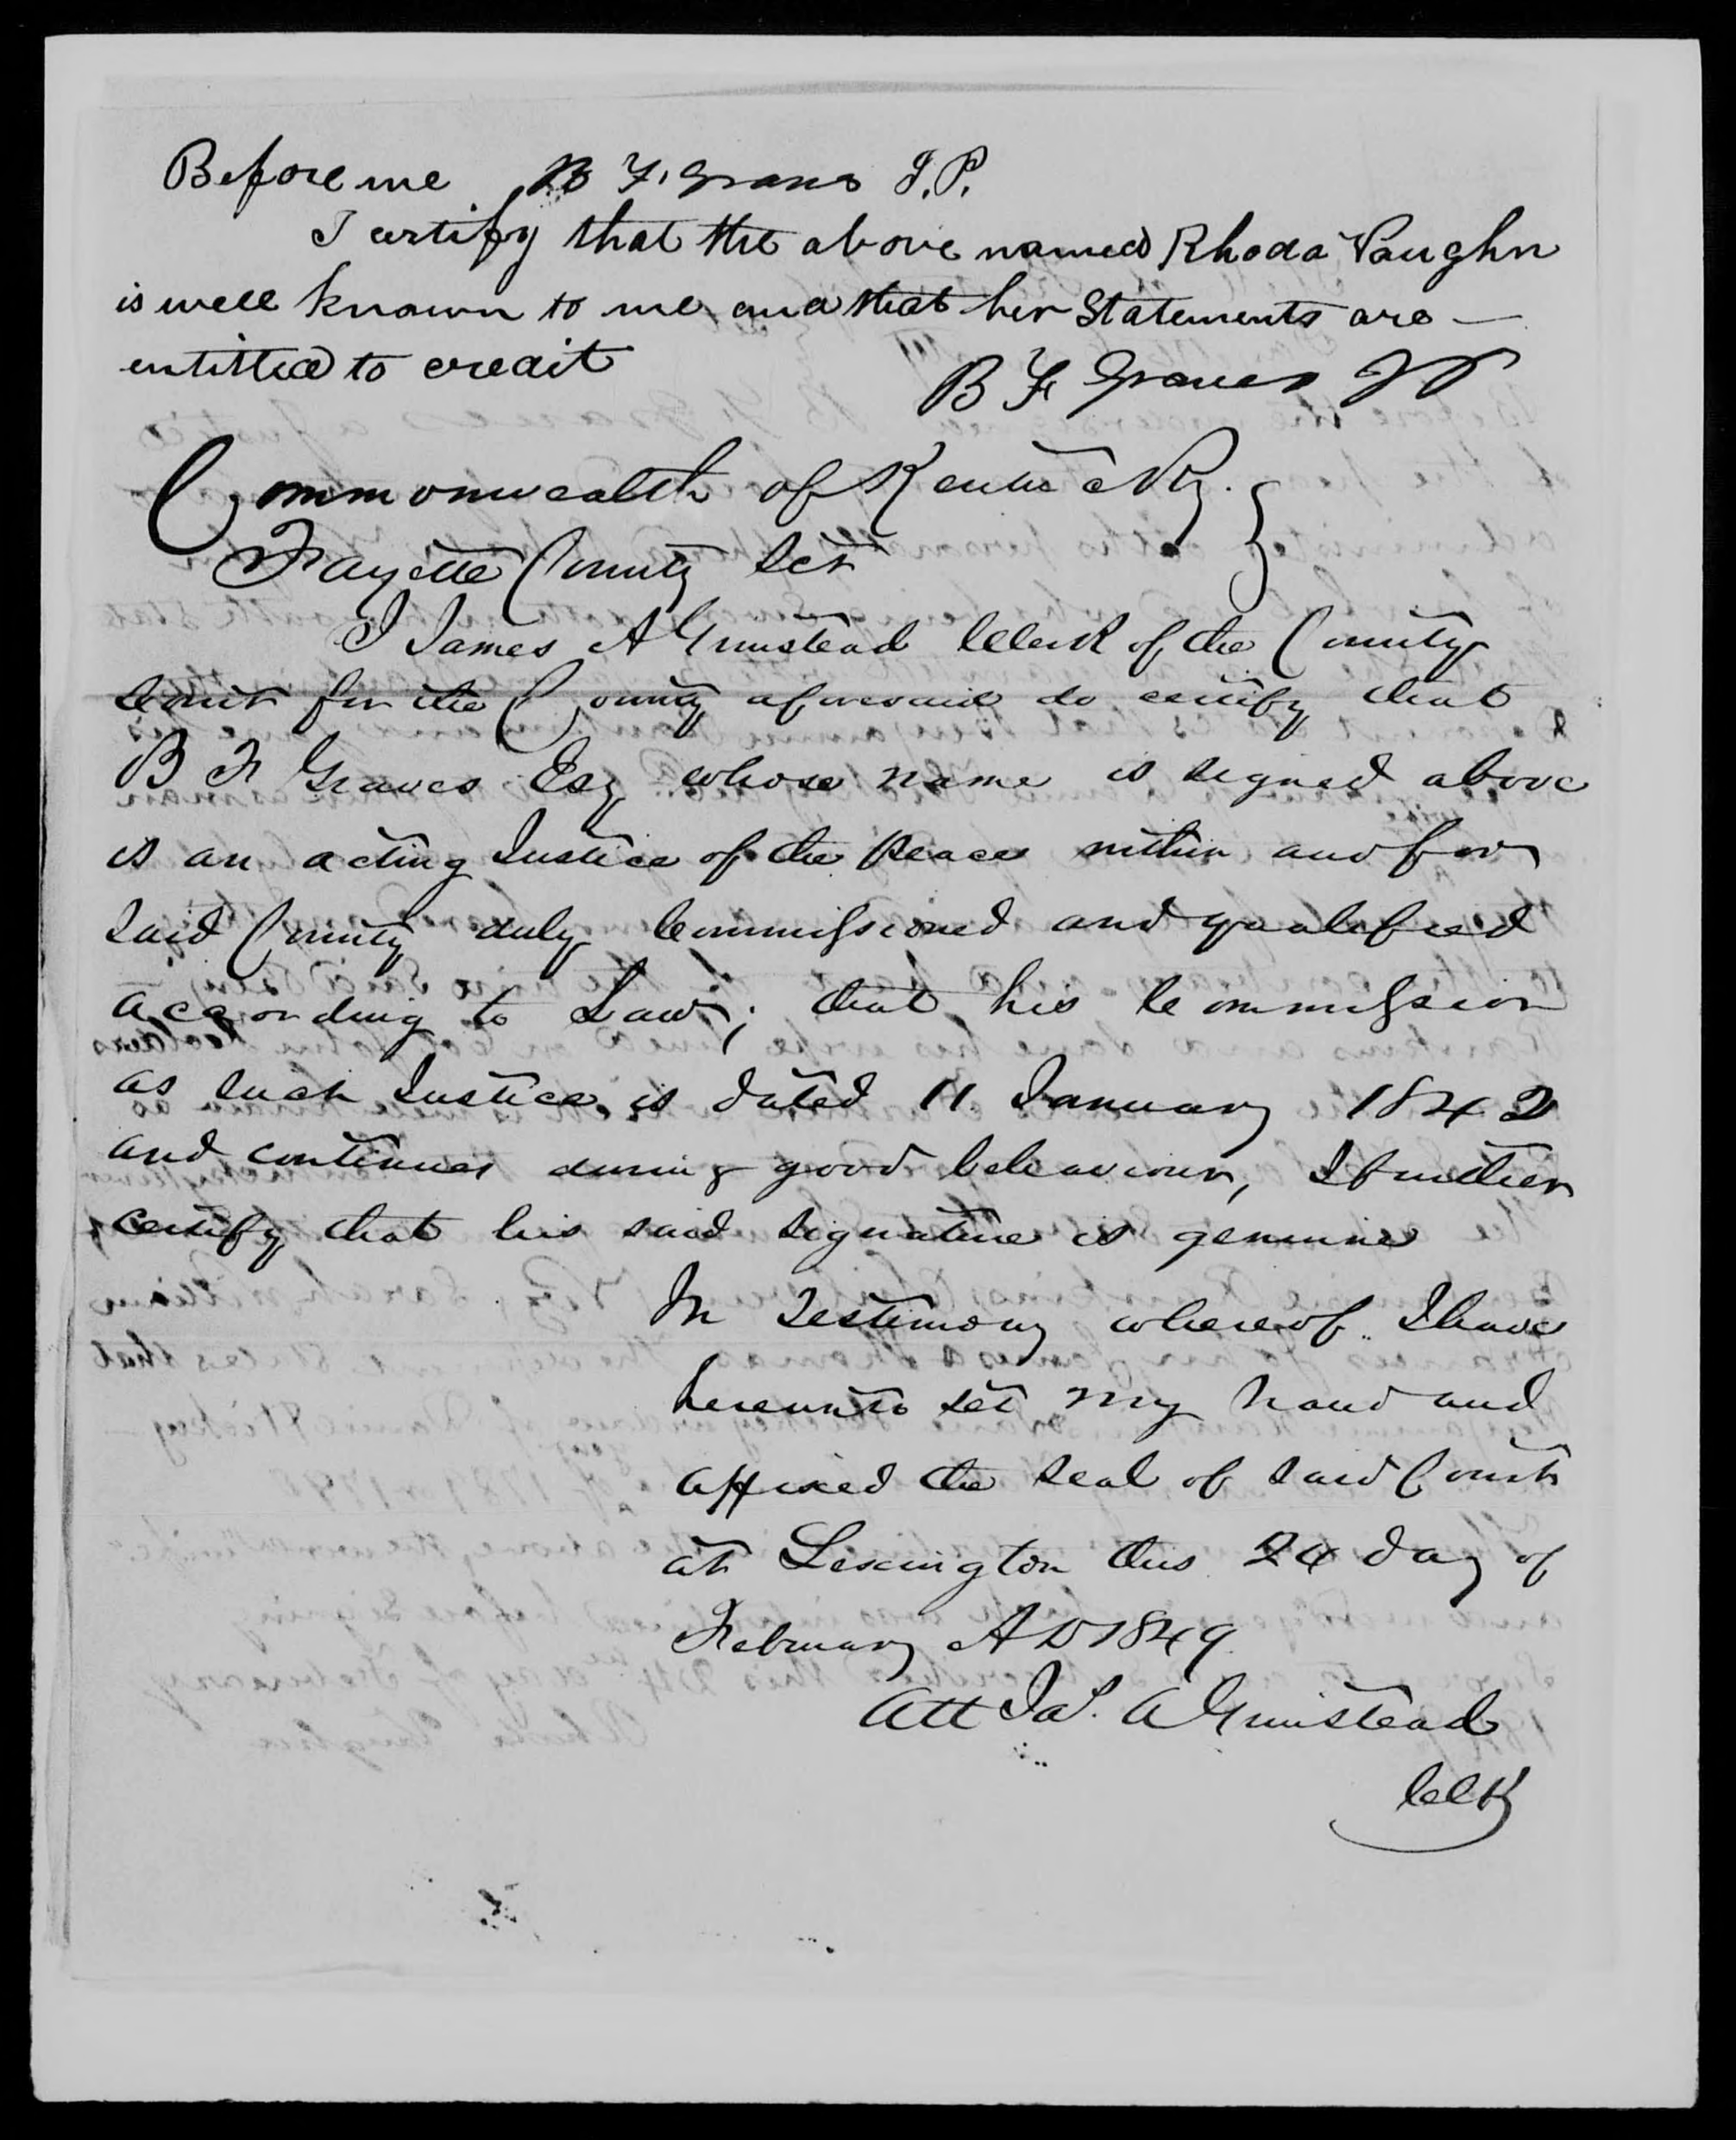Before Me B F Graves J.P
I certify that the above names Rhoda Vaughn is well known to me and that her statements are entitled to credit.
B F Graves
Commonwealth of Kentucky
Fayette County Sct   Ss
I James A Grinstead Clerk of the County Court for the County aforesaid do certify that B F Graves Esq. whose name is signed above is an acting Justice of the Peace within and for said County duly Commissioned and qualified according to Lae; that his Commission as such Justice, is dated 11 January 1842 and continued during good behavior, I further certify that his said signature is genuine
In Testimony whereof I have
hereunto set my hand and
affixed the seal of said Court at Lexington this 24 day of February AD 1849
Att Jas A Grinstead
Clerk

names: B F Graves, Jas A Grinstead, Rhoda Vaughn, B F Graves, B F Graves, James A Grinstead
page: 61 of 84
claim: widow's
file: W. 7744, Daniel Hickey, Penn.